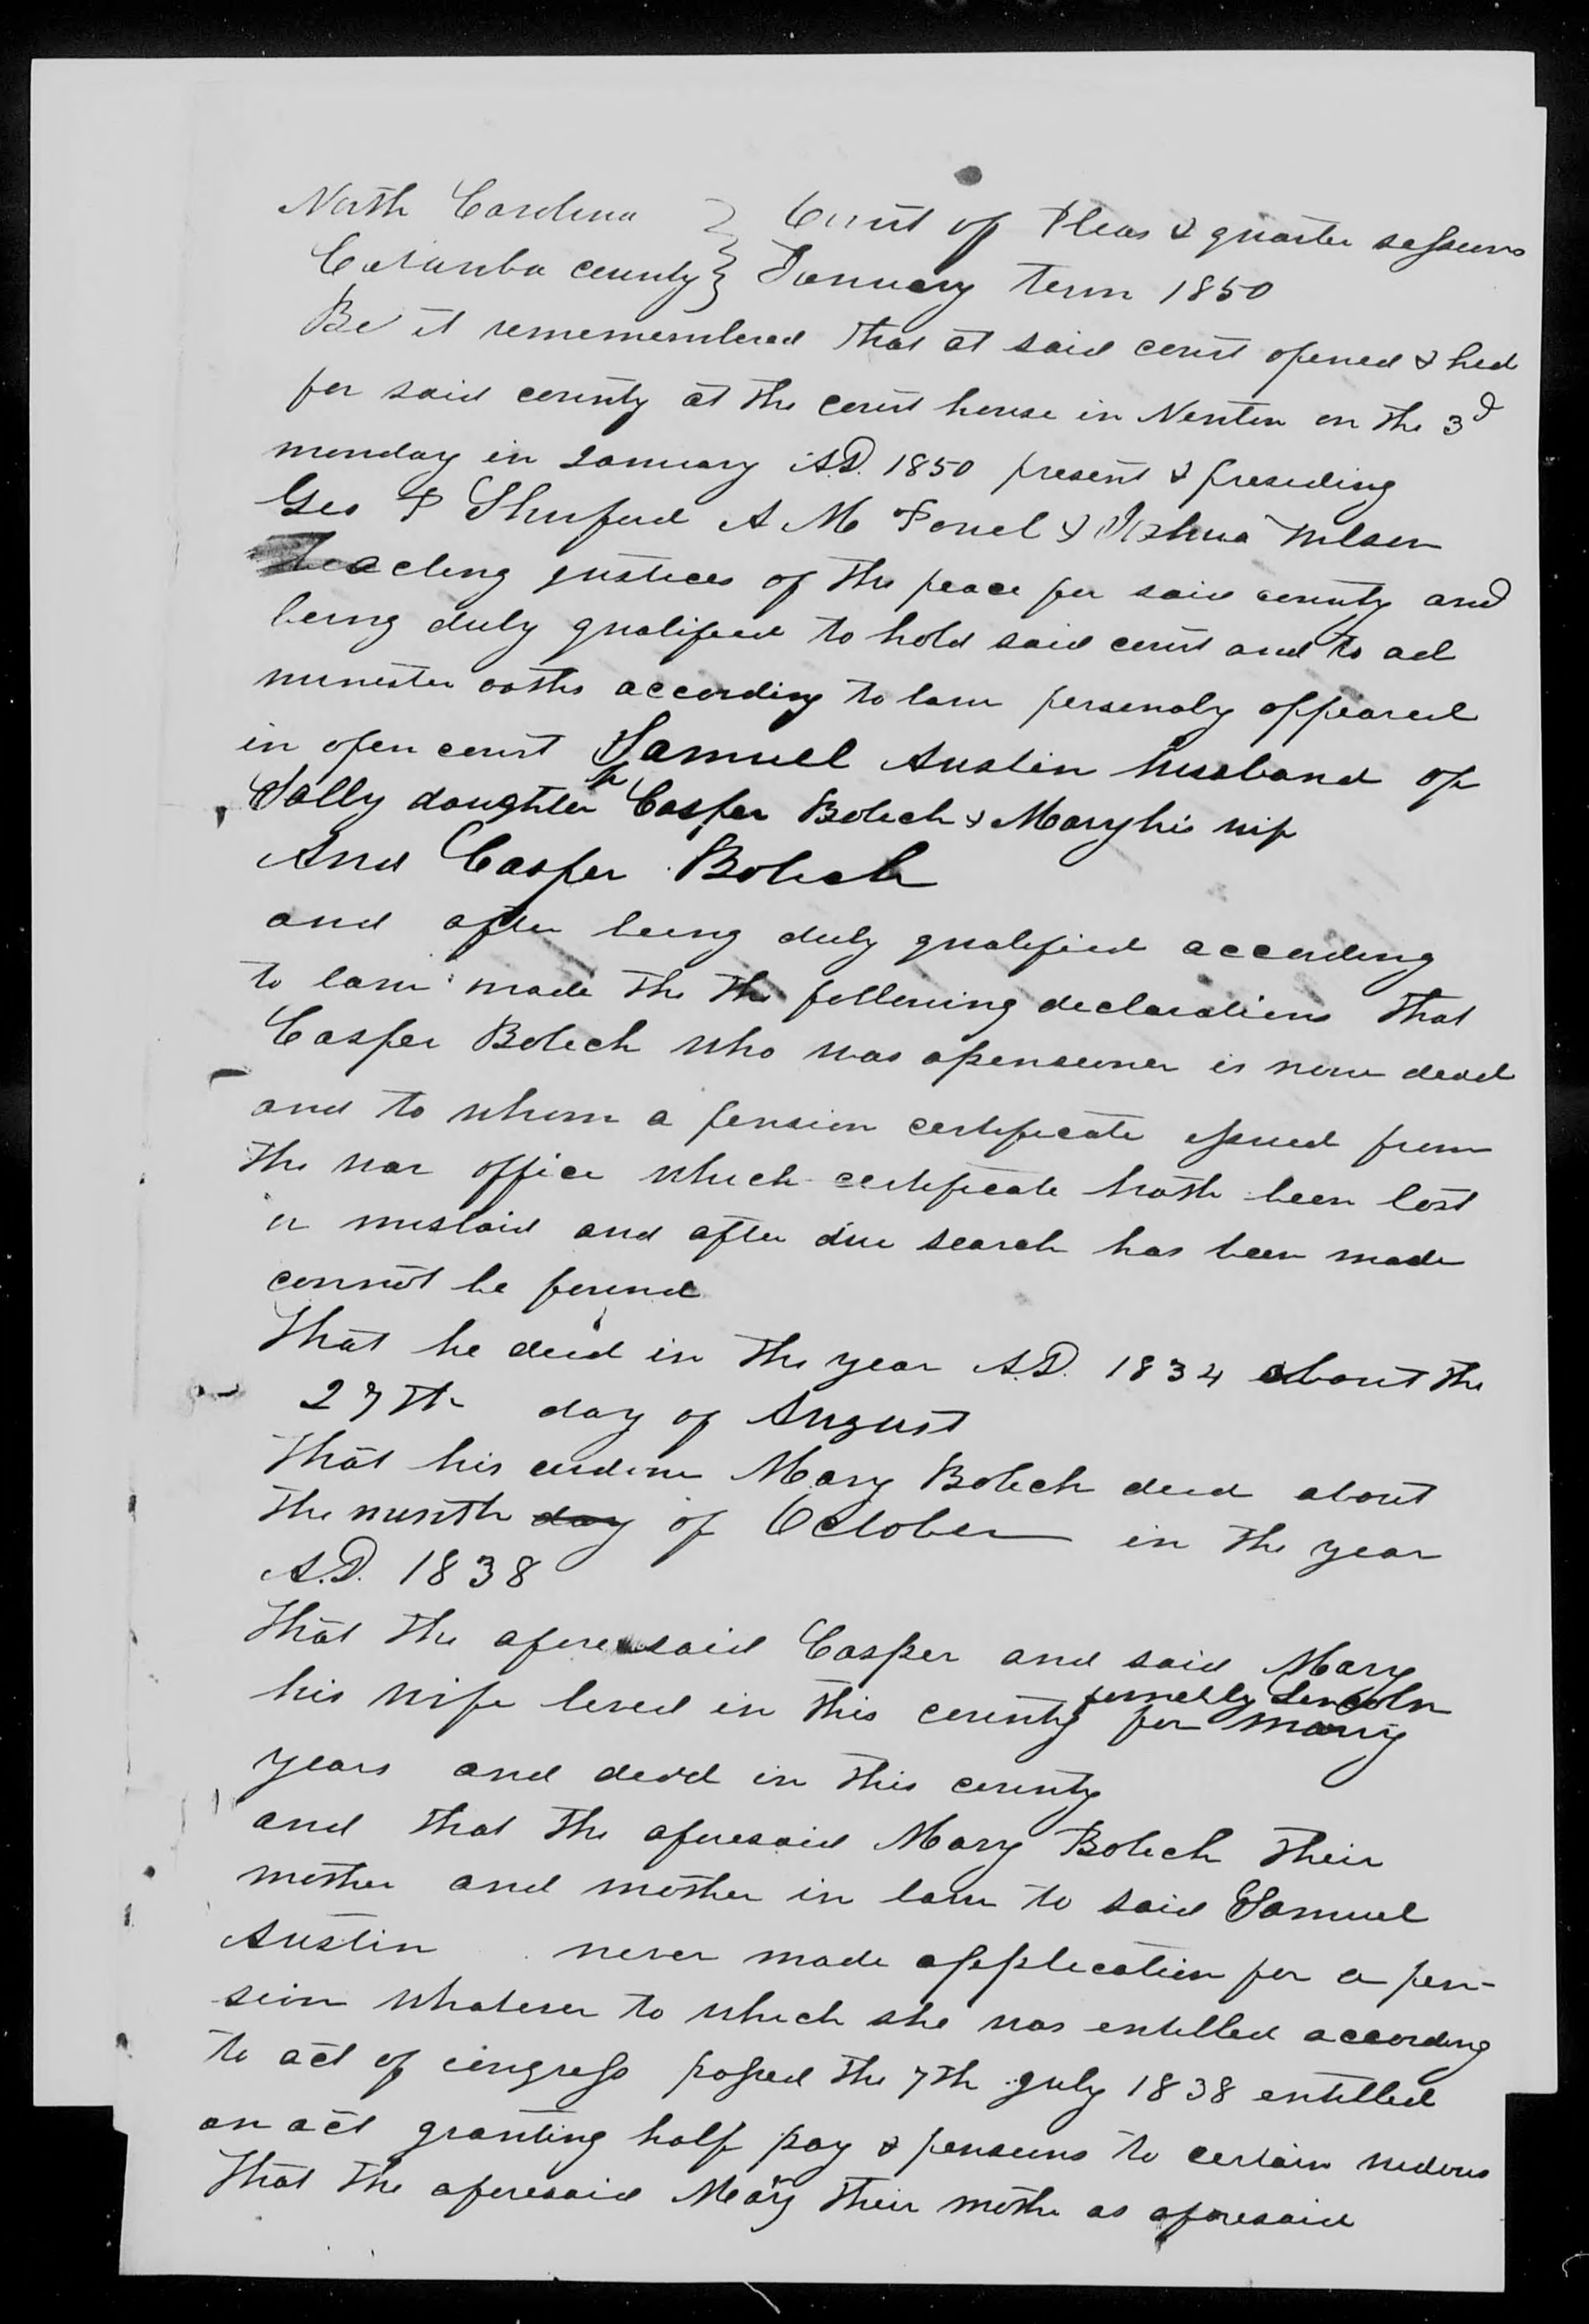North Carolina} Court of Pleas & quarter sessions 
Catawba County} January term 1850 Be it remembered that at said court opened & had for said county at the court house in Newton on the 3rd monday in January A. D. 1850 present & presiding Geo. P. Shuford A. M. Powell Joshua Wilson the acting justices of the peace for said county being duly qualified to hold said court and to administer oaths according to law personally appeared  in open court Samuel Austin husband of Holly daughter of Casper Bolick & Mary his wife and Casper Bolick and after being duly qualified according to law made the following declaration that Casper Bolick who was a pensioner is now dead and to whom a pension certificate issued from the war office which certificate hath been lost or mislaid and after due search has been made cannot be found. That he died in the year A. D. 1834 about the 27th day of August. That his widow Mary Bolick died about the month of October in the year A. D. 1838. That the aforesaid Casper and said Mary his wife lived in this county generally Lincoln for many years and died in this county and that the aforesaid Mary Bolick their mother and mother in law to sad Samuel Austin never made application for a pension whatever to which she was entitled according to the act of congress passed the 7th July 1838 entitled an act of granting half pay & pensions to certain widows. That the aforesaid Mary their mother as aforesaid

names: Joshua Wilson, Mary Bolech, Samuel Austin, Mary Bolech, Casper Bolech, Mary, Samuel Austin, Mary, Casper Bolech, Casper Bolech, A M Powel, Sally, Geo P Shuford, Casper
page: 4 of 43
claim: widow's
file: W. 18,566, Casper Bolick, N.C.